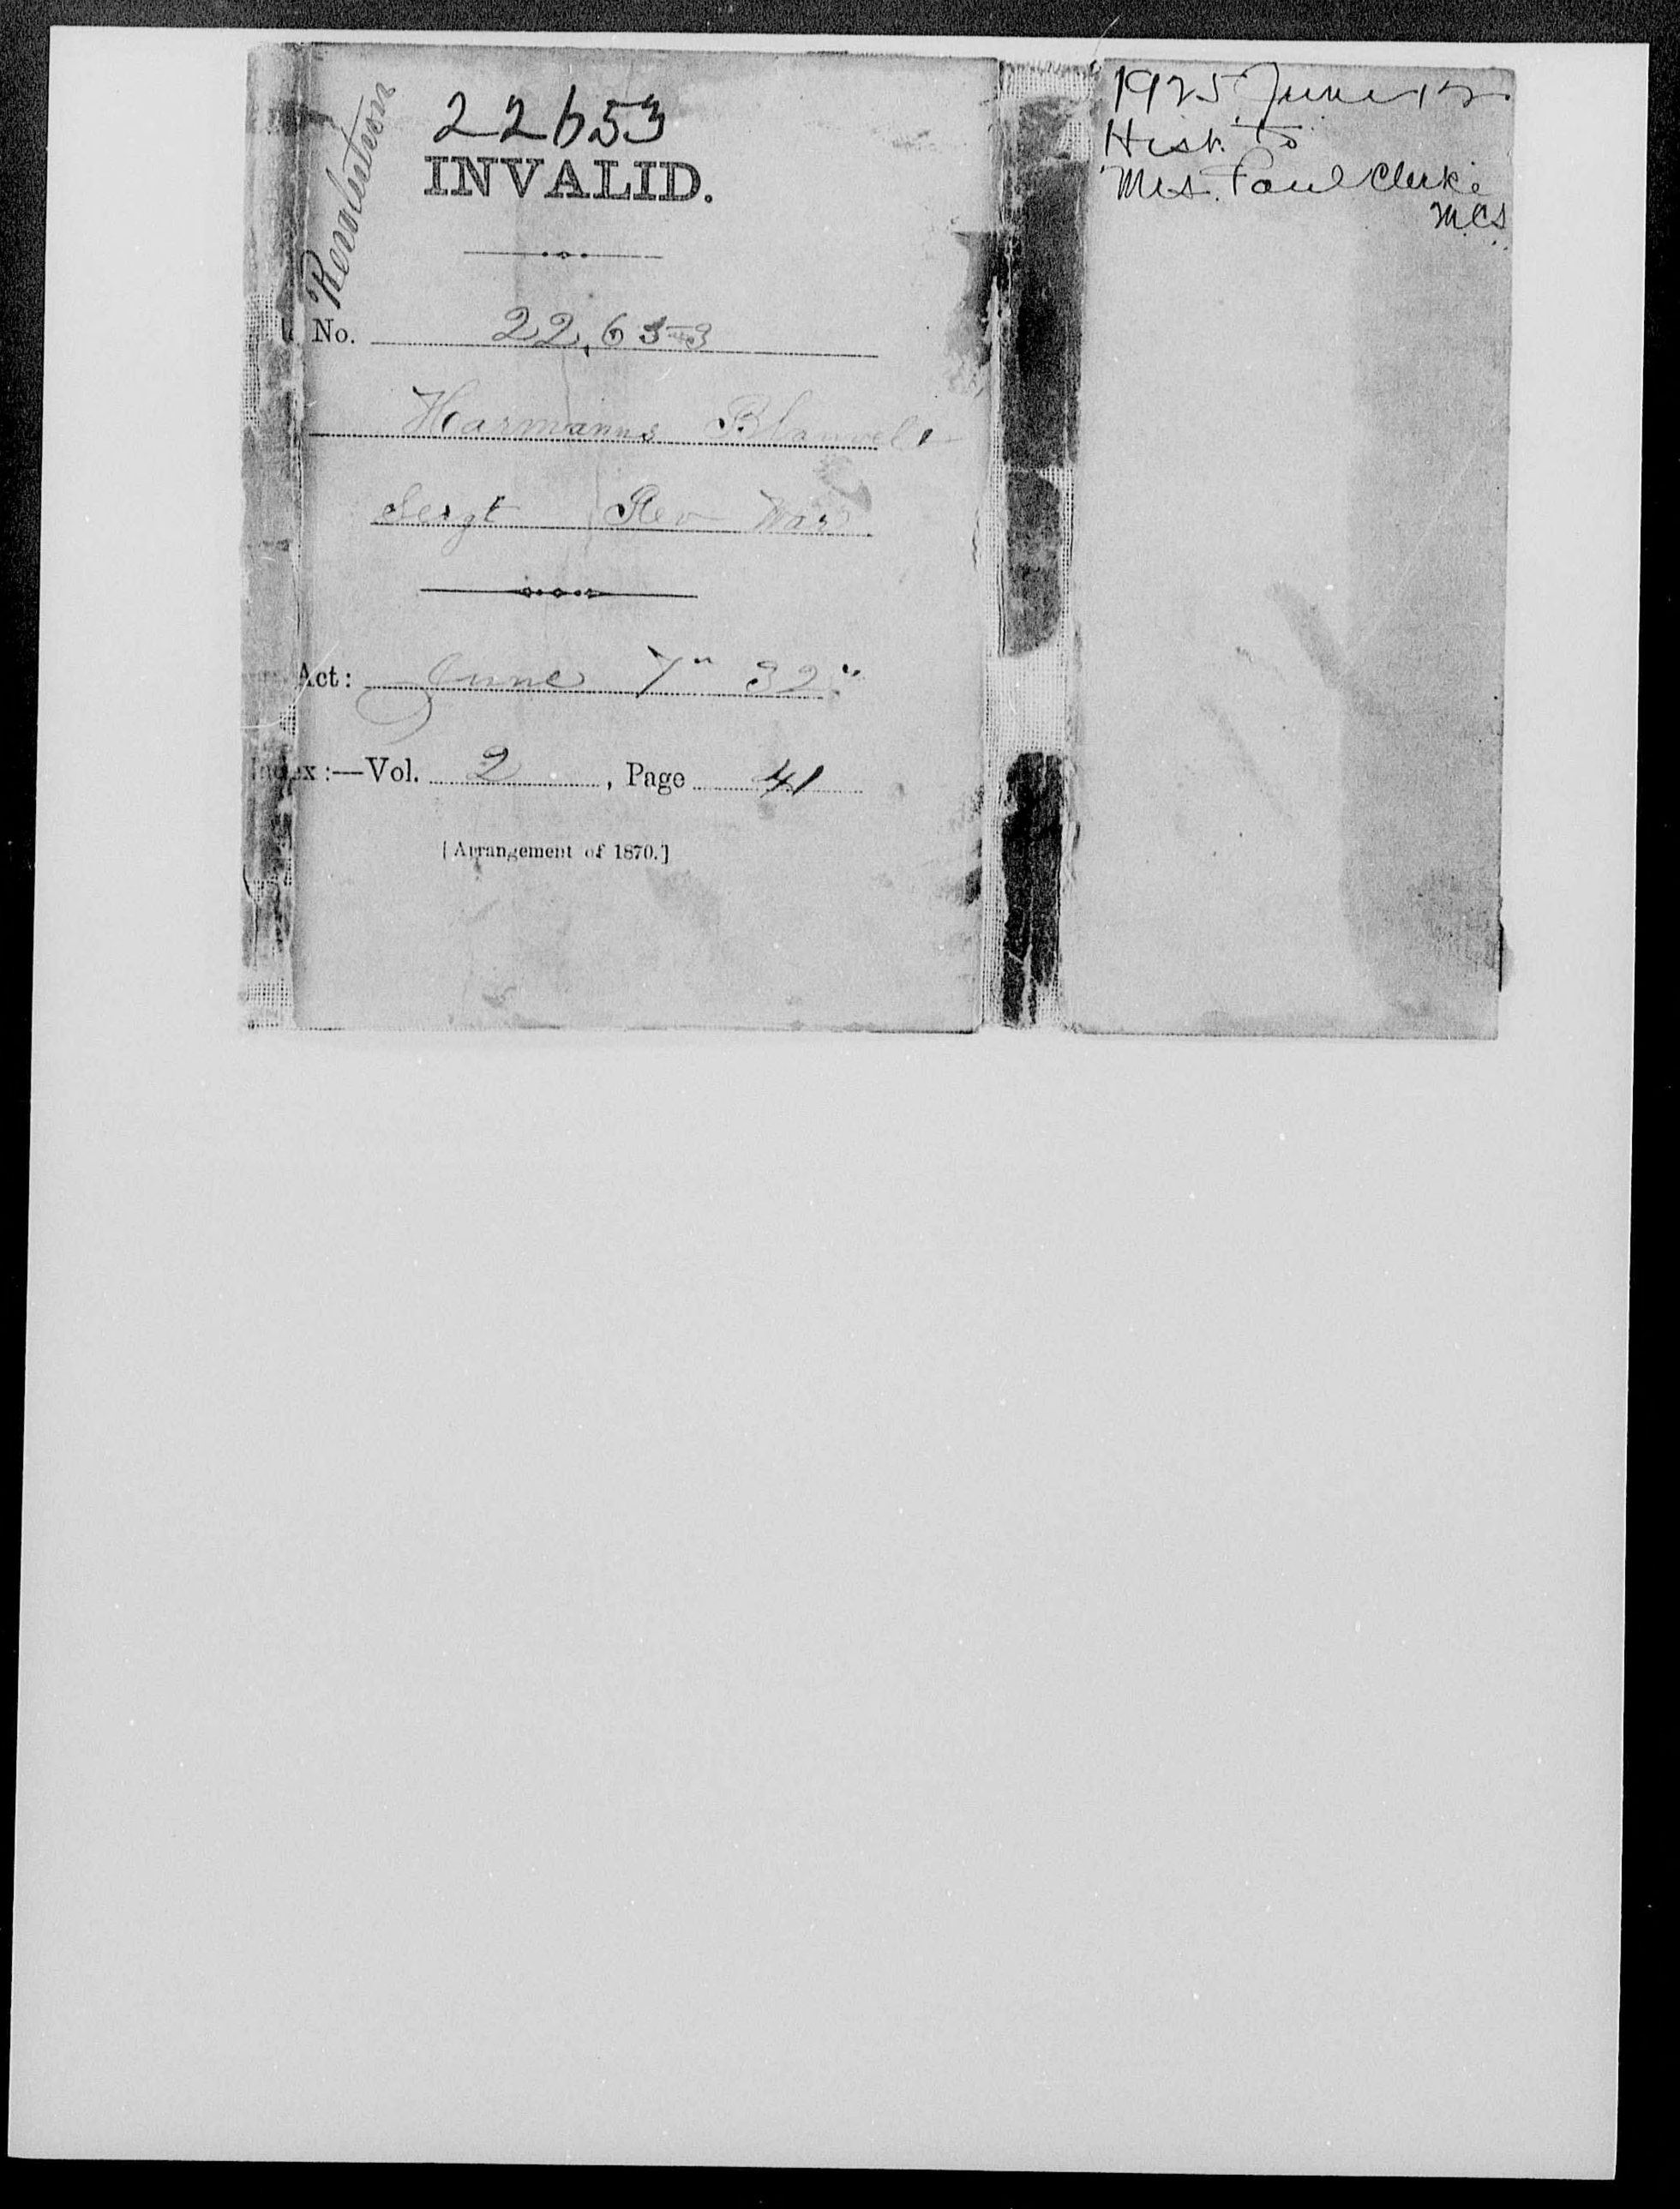1925 June 12 Hish to Mrs. Paul Clerke M.C.S.

22653
INVALID.
No. 22653
Harmanus Blauvelt
Sergt  Rev War
Act: June 7th 32
Index: __ Vol. 2, Page 41
[Arrangement of 1870.]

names: Paul Clerke, Harmanus Blauvelt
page: 14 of 33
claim: survivor's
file: S. 22,653, Harmanus Blauvelt, New York